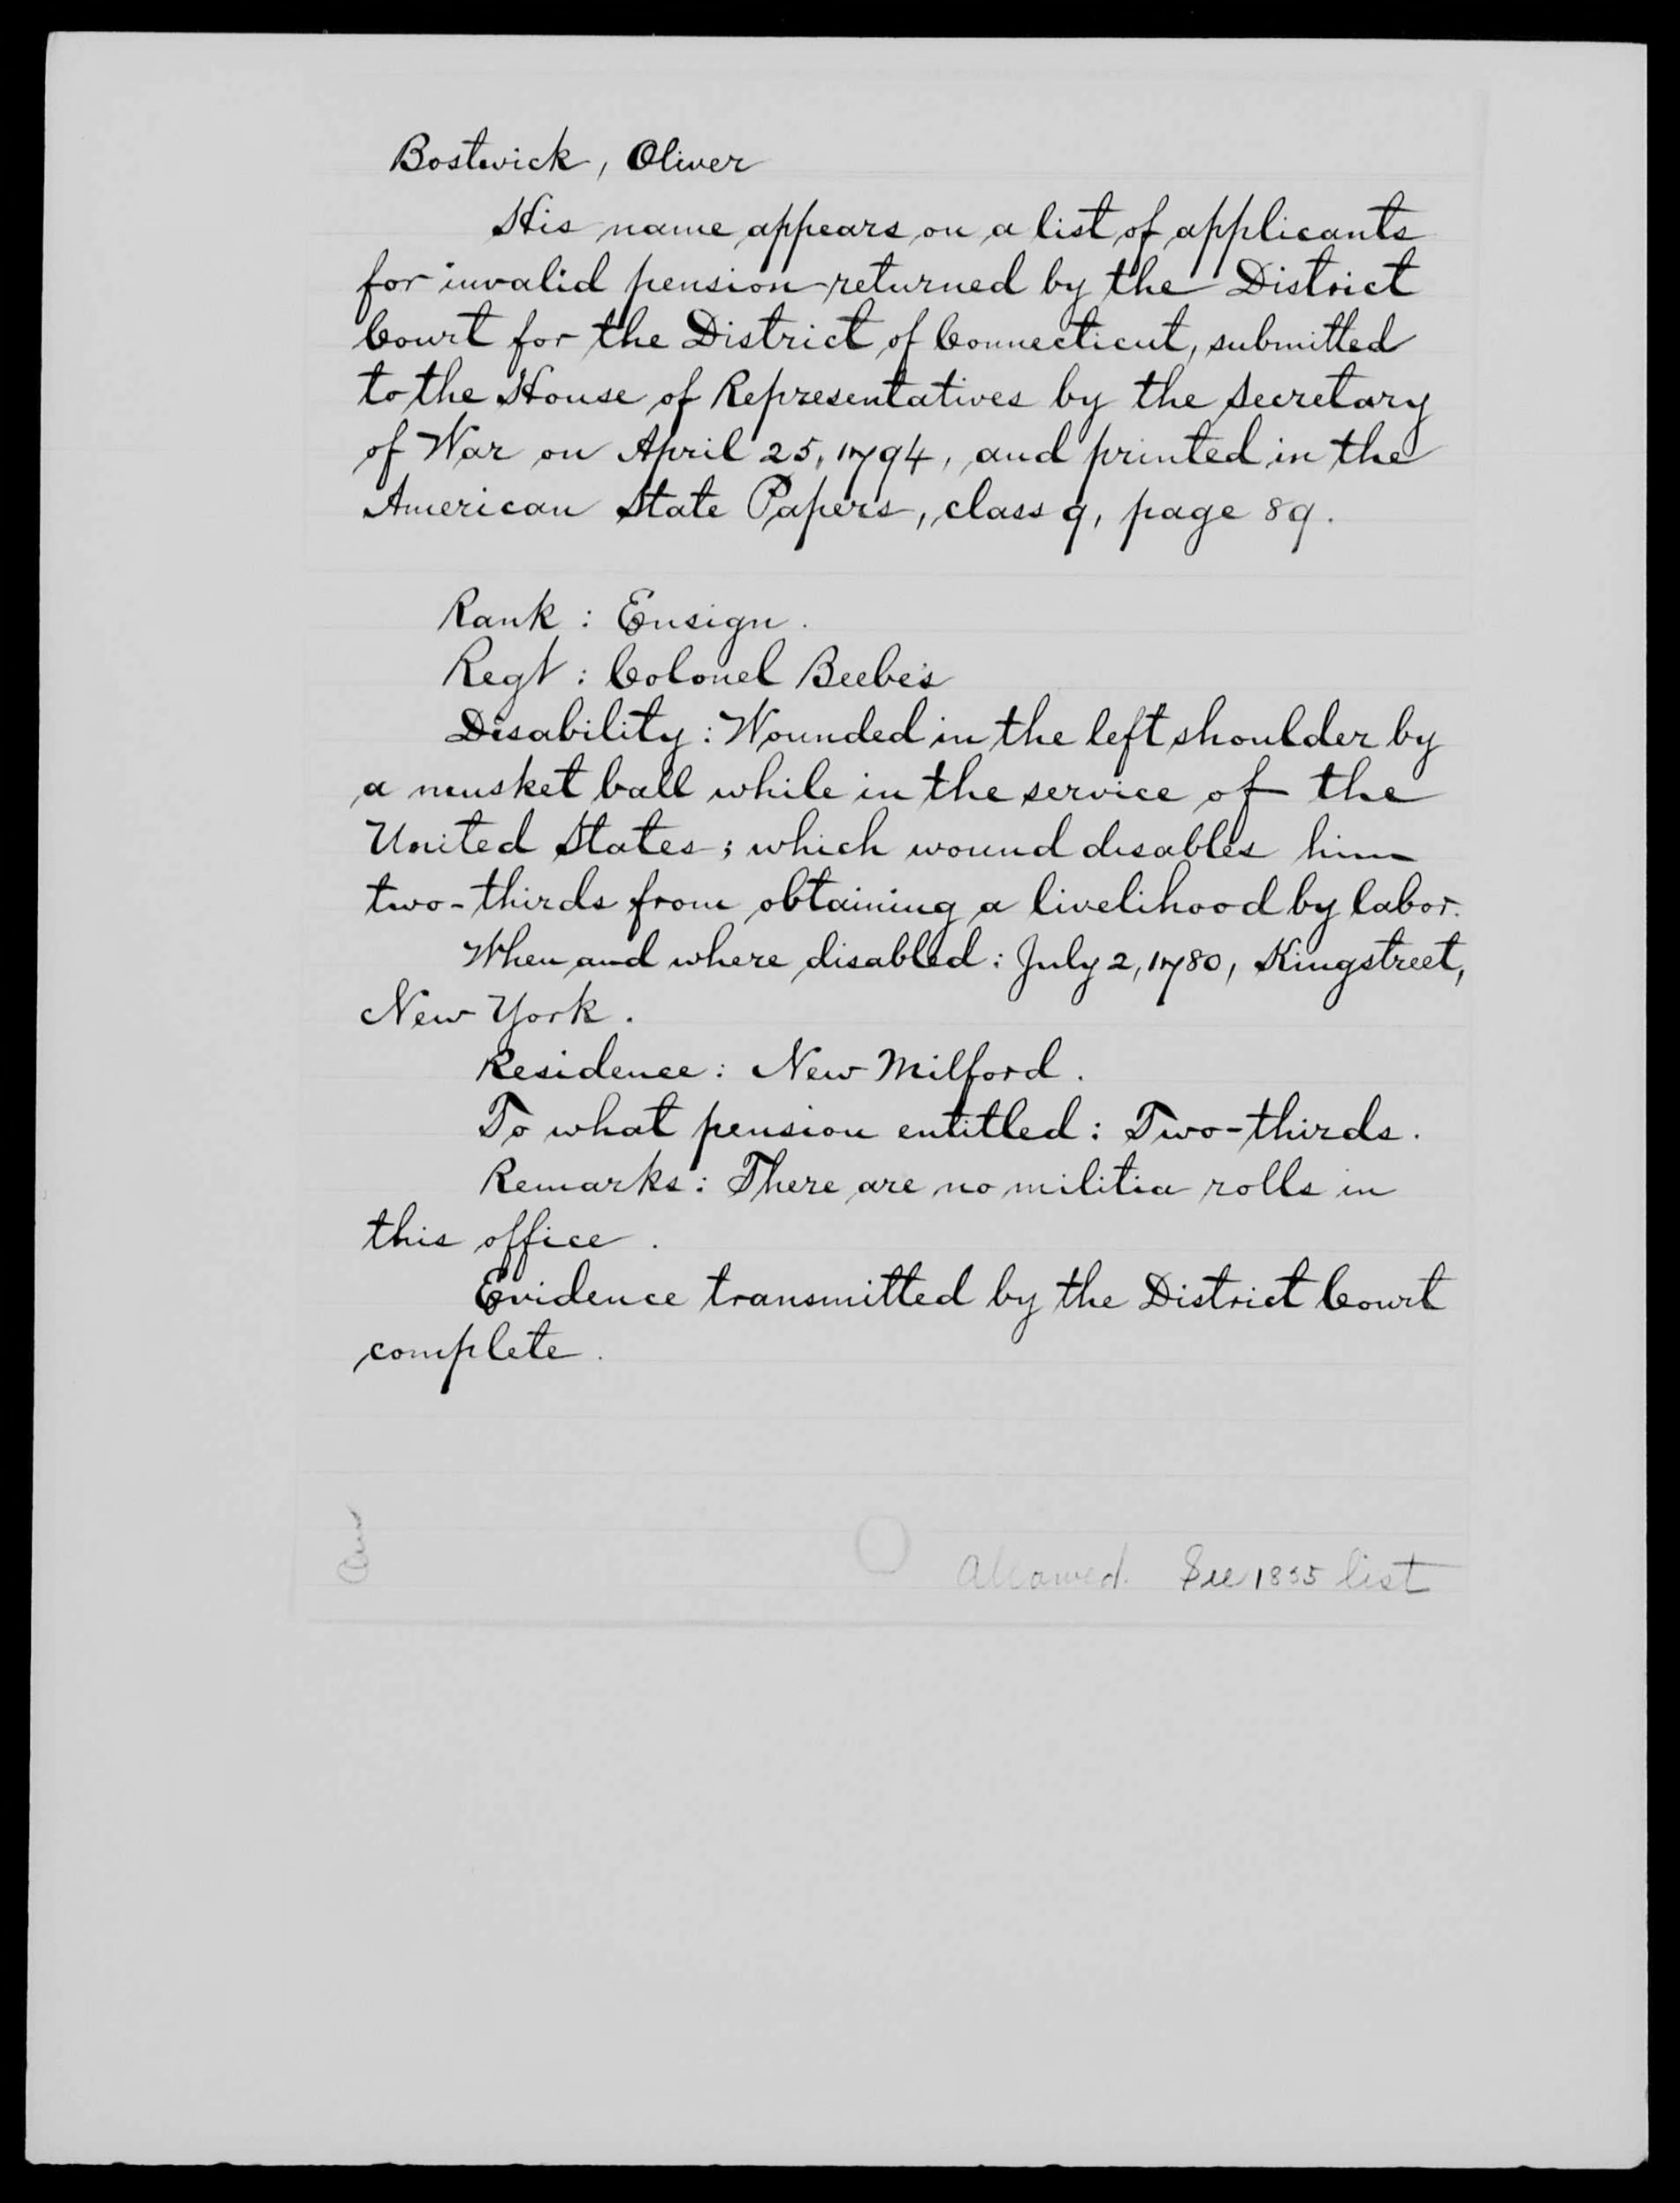Bostwick, Oliver
     His name appears on a list of applicants,
for invalid pension returned by the District
Court for the District of Connecticut, submitted
to the House of Representatives by the Secretary
of War on April 25, 1794, and printed in the
American State Papers, class 9, page 89.

     Rank; Ensign.
     Regt: Colonel Beebes
     Disability: Wounded in the left shoulder by
a musket ball while in the service of the
United States; which wound disabled him
two-thirds from obtaining a livelihood by labor.
     When and where disabled: July 2, 1780, Kingstreet,
New York
     Residence: New Milford
     To what pension entitled: Two-thirds.
     Remarks: There are no militia rolls in
this office
     Evidence transmitted by the District Court
complete.

allowed. See 1835 list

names: Oliver Bostwick, Beebe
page: 3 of 3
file: [BLANK], Oliver Bostwick, Conn.